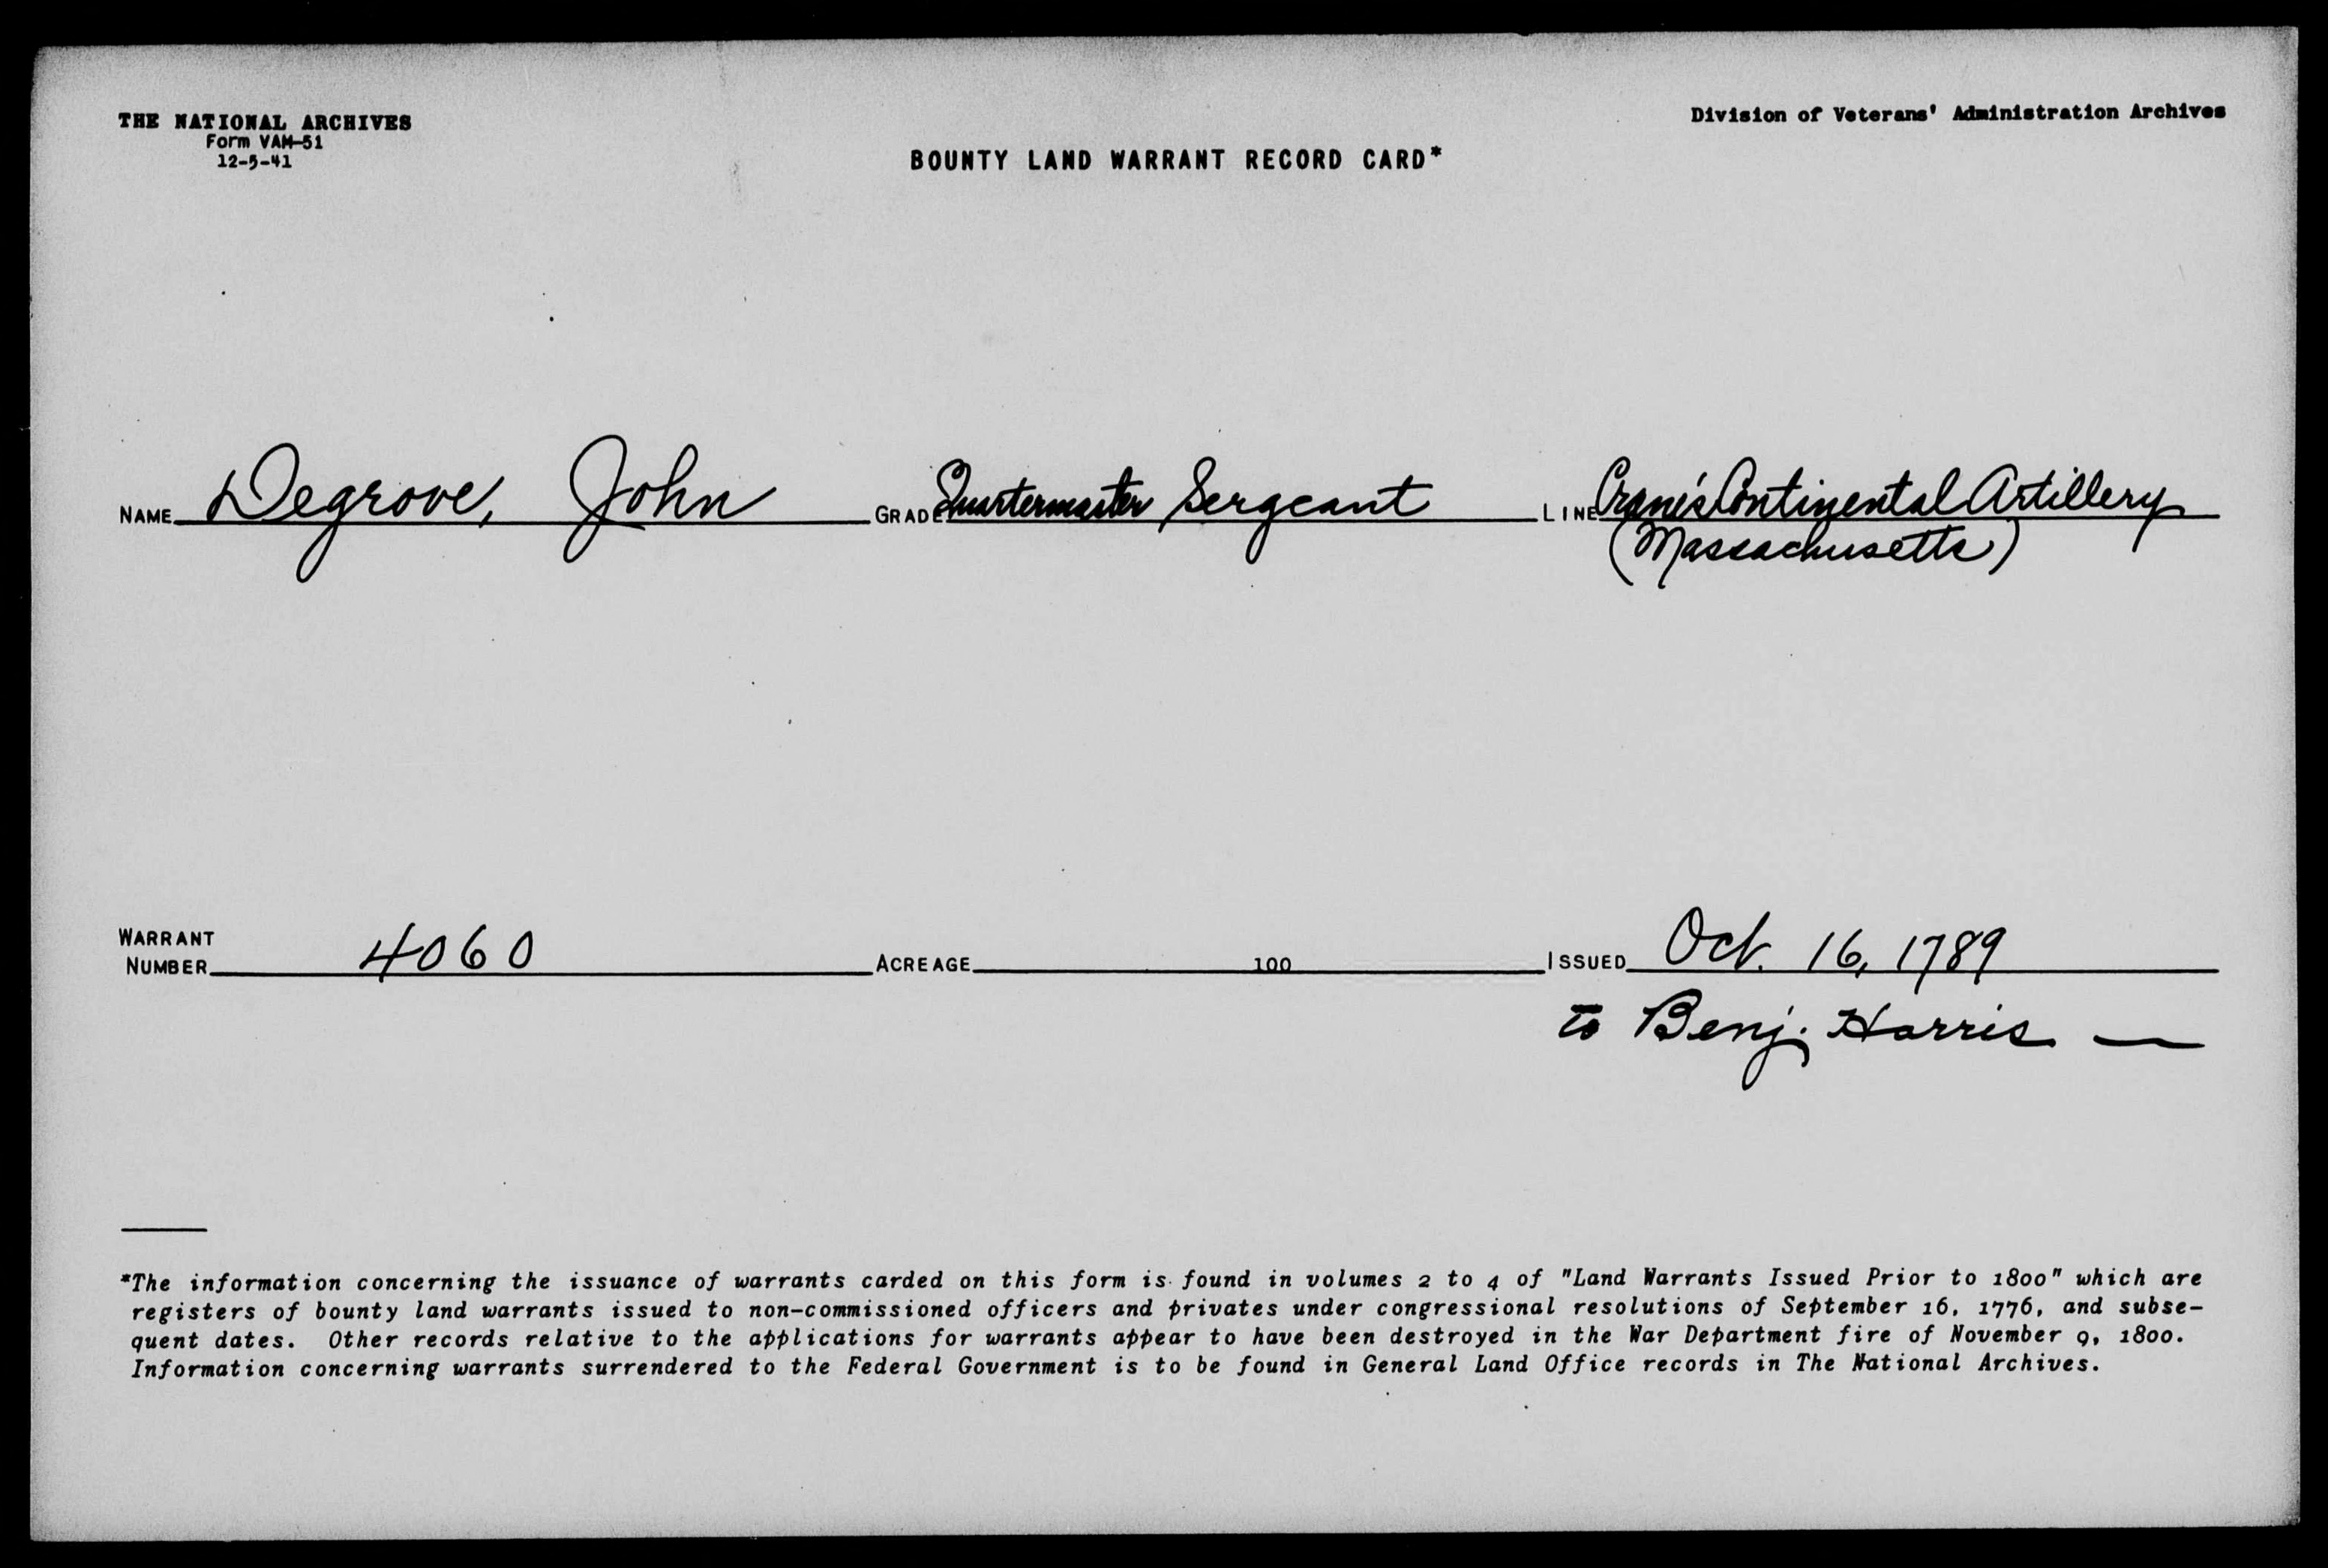[printed form with handwritten entries]
THE NATIONAL ARCHIVES Division of Veteran's Administration Archives
Form VAM-51 12-5-41
BOUNTY LAND WARRANT RECORD CARD*
NAME Degrove, John GRADE Quartermaster Sergeant LINE Crane's Continental Artillery (Massachusetts)
WARRANT NUMBER 4060 ACREAGE 100 ISSUED Oct. 16, 1789 to Benj. Harris
[in italics] *The information concerning the issuance of warrants carded on this form is found in volumes 2 to 4 of "Land Warrants Issued Prior to 1800" which are registers of bounty land warrants issued to non-commissioned officers and privates under congressional resolutions of September 16, 1776, and subsequent dates.  Other records relative to the applications for warrants appear to have been destroyed in the War Department fire of November 9, 1800.  Information concerning warrants surrendered to the Federal Government is to be found in General Land Office records in The National Archives.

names: John Degrove, Benj Harris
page: 77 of 77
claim: widow's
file: W. 417, William De Groot, New Jersey